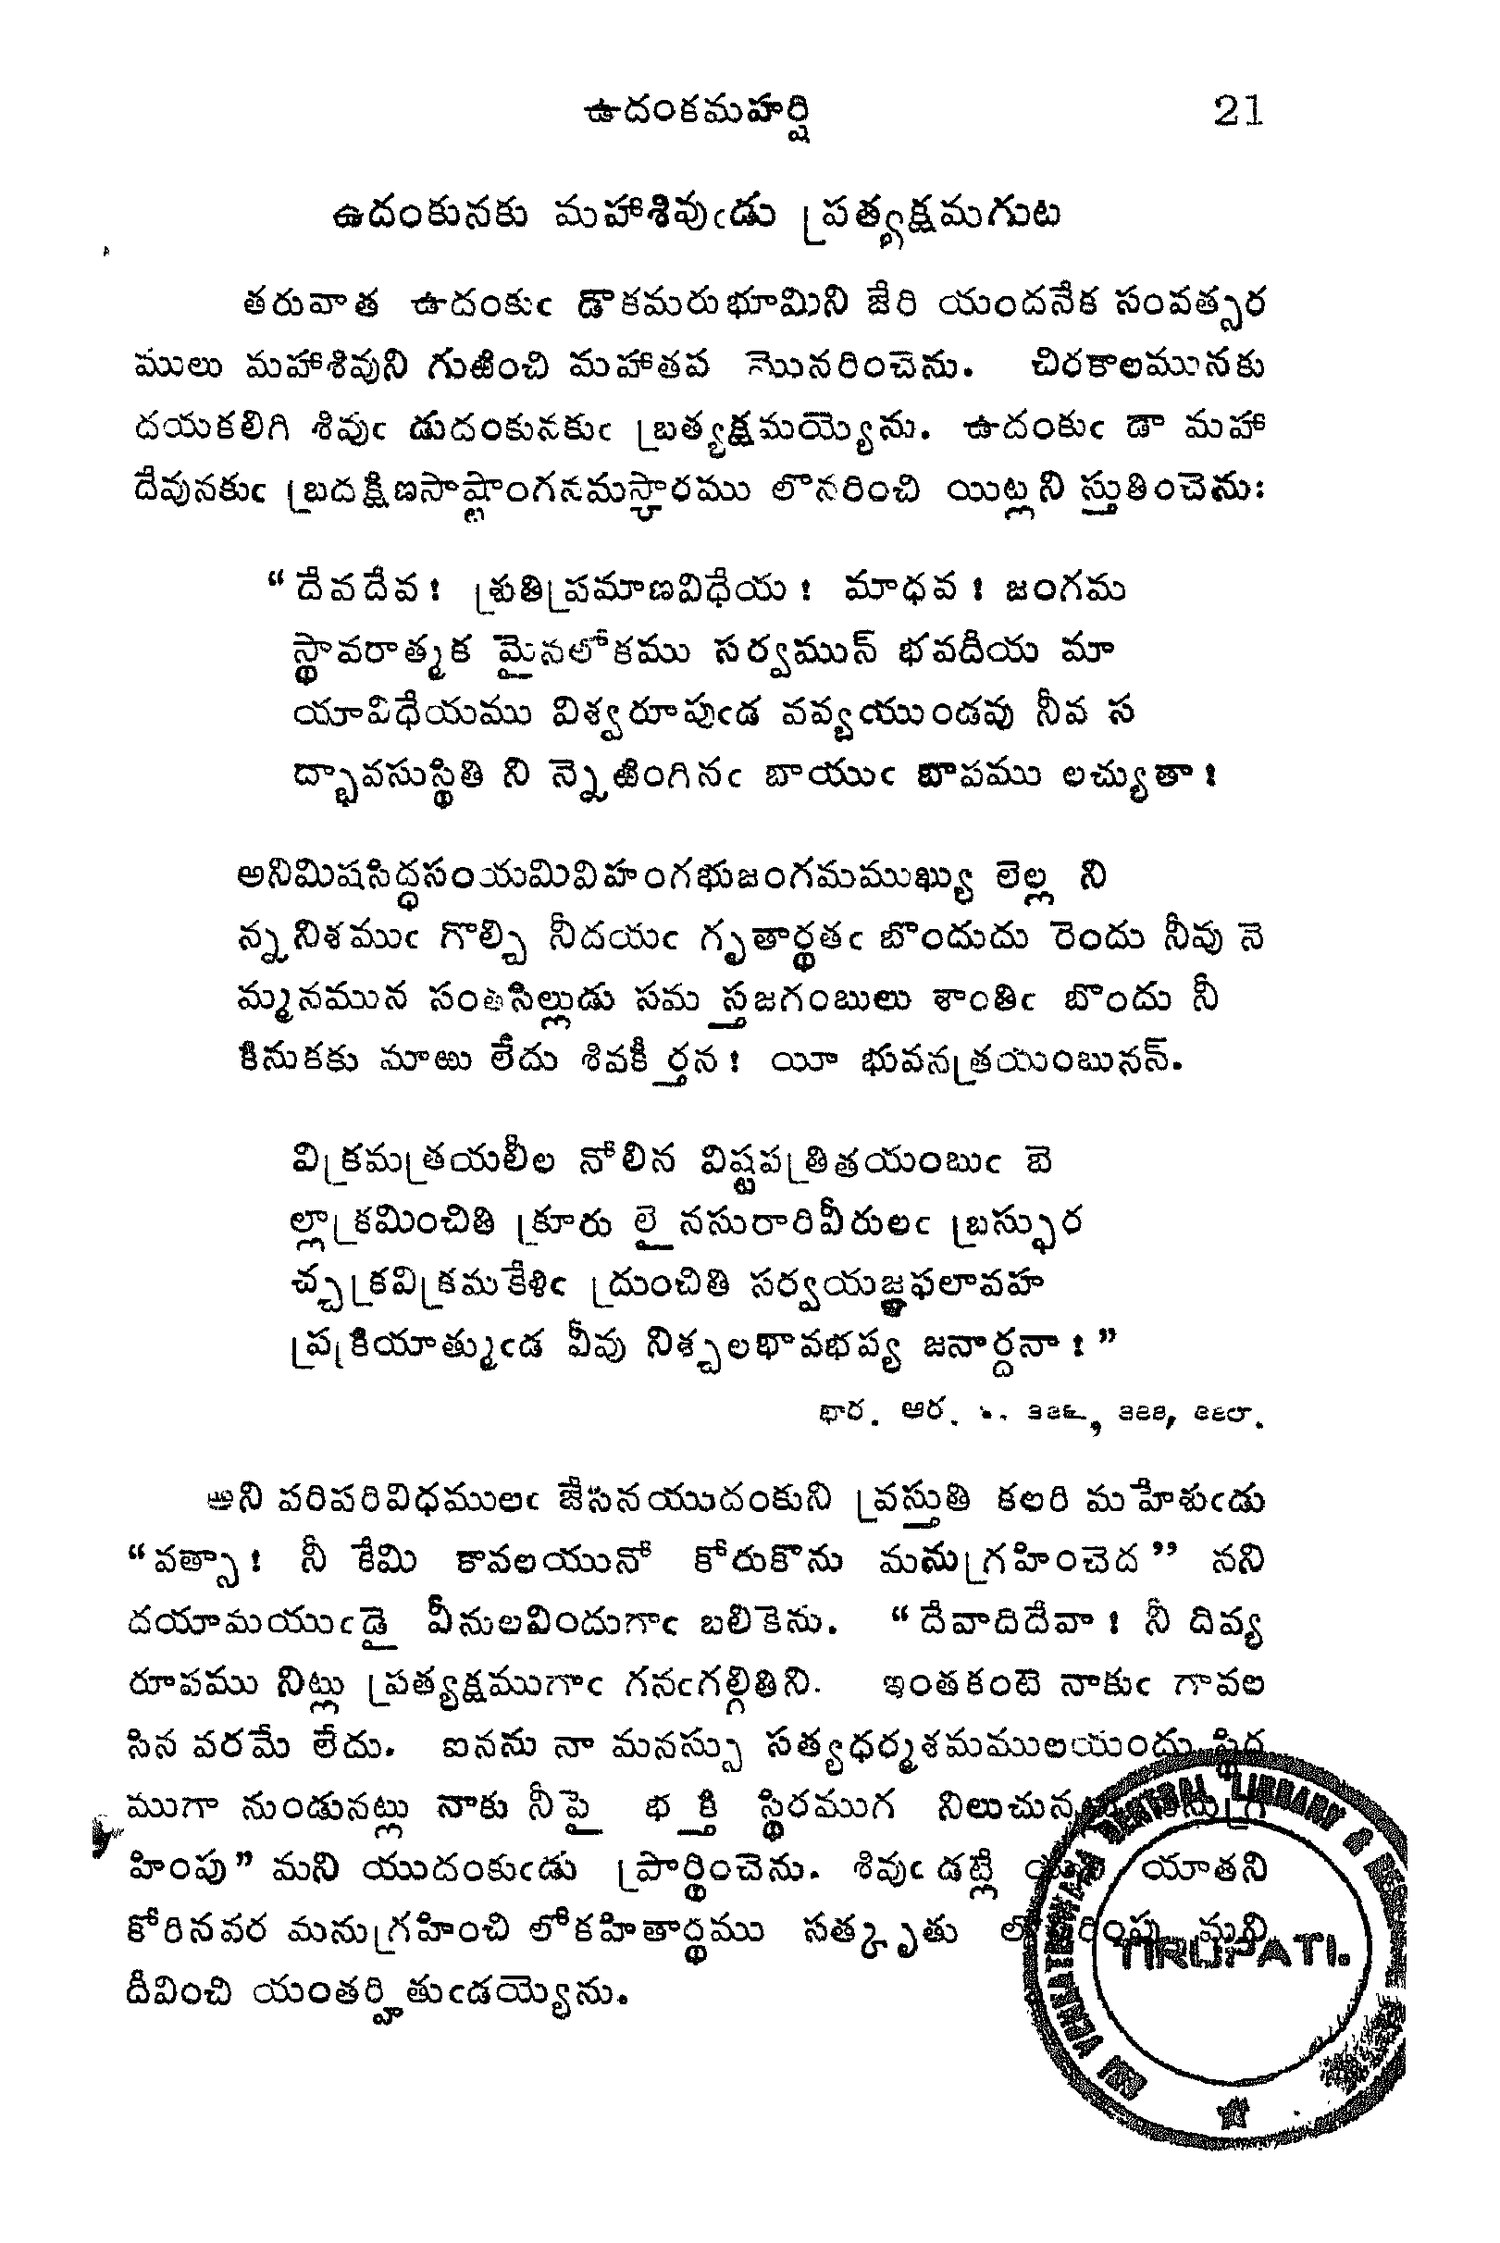ఉదంకునకు మహాశివుఁడు ప్రత్యక్షమగుట 

తరువాత ఉదంకుఁ డొకమరుభూమిని జేరి యందనేక సంవత్సరములు మహాశివుని గుఱించి మహాతప మొనరించెను. చిరకాలమునకు దయకలిగి శివుఁ డుదంకునకుఁ బ్రత్యక్షమయ్యెను. ఉదంకుఁ డా మహా దేవునకుఁ బ్రదక్షిణసాష్టాంగనమస్కారము లొనరించి యిట్లని స్తుతించెను:

"దేవదేవ! శ్రుతి ప్రమాణవిధేయ! మాధవ! జంగమ 
స్థావరాత్మక మైనలోకము సర్వమున్ భవదీయ మా 
యావిధేయము విశ్వరూపుఁడ వవ్యయుండవు నీవ స 
ద్భావసుస్థితి ని న్నెఱింగినఁ బాయుఁ బాపము లచ్యుతా! 

అనిమిషసిద్ధసంయమివిహంగభుజంగమముఖ్యు లెల్ల ని 
న్ననిశముఁ గొల్పి నీదయఁ గృతార్థతఁ బొందుదు రెందు నీవు నె 
మ్మనమున సంతసిల్లుడు సమ స్తజగంబులు శాంతిఁ బొందు నీ 
కినుకకు మాఱు లేదు శివకిరన! యీ భువనత్రయంబునన్.

విక్రమత్రయలీల నోలిన విష్టపత్రితయంబుఁ బె 
ల్లాక్రరమించితి క్రూరు లై నసురారివీరులఁ బ్రస్ఫుర 
చ్చక్రవిక్రమ కేళిఁ ద్రుంచితి సర్వయజ్ఞఫలావహ 
ప్రక్రియాత్ముఁడ వీవు నిశ్చలభావభవ్య జనార్దనా! "
 భార. ఆర. 4. 376, 377, 378.
అని పరిపరివిధములఁ జేసిన యుదంకుని ప్రస్తుతి కలరి మహేశుఁడు “ వత్సా! నీ కేమి కావలయునో కోరుకొను మనుగ్రహించెద" నని దయామయుఁడై వీనులవిందుగాఁ బలికెను. "దేవాదిదేవా! నీ దివ్య రూపము నిట్లు ప్రత్యక్షముగాఁ గనఁగల్గితిని. ఇంతకంటె నాకుఁ గావలసిన వరమే లేదు. ఐనను నా మనస్సు సత్యధర్మశమములయందు.. స్థిరముగా నుండునట్లు నాకు నీపై భక్తి స్థిరముగ నిలుచునట్లు ననుగ్రహింపు" మని యుదంకుఁడు ప్రార్థించెను. శివుఁ డట్లే యని యాతని కోరినవర మనుగ్రహించి లోకహితార్థము సత్కృతు లొనరింపు మని దీవించి యంతర్హితుఁడయ్యెను.